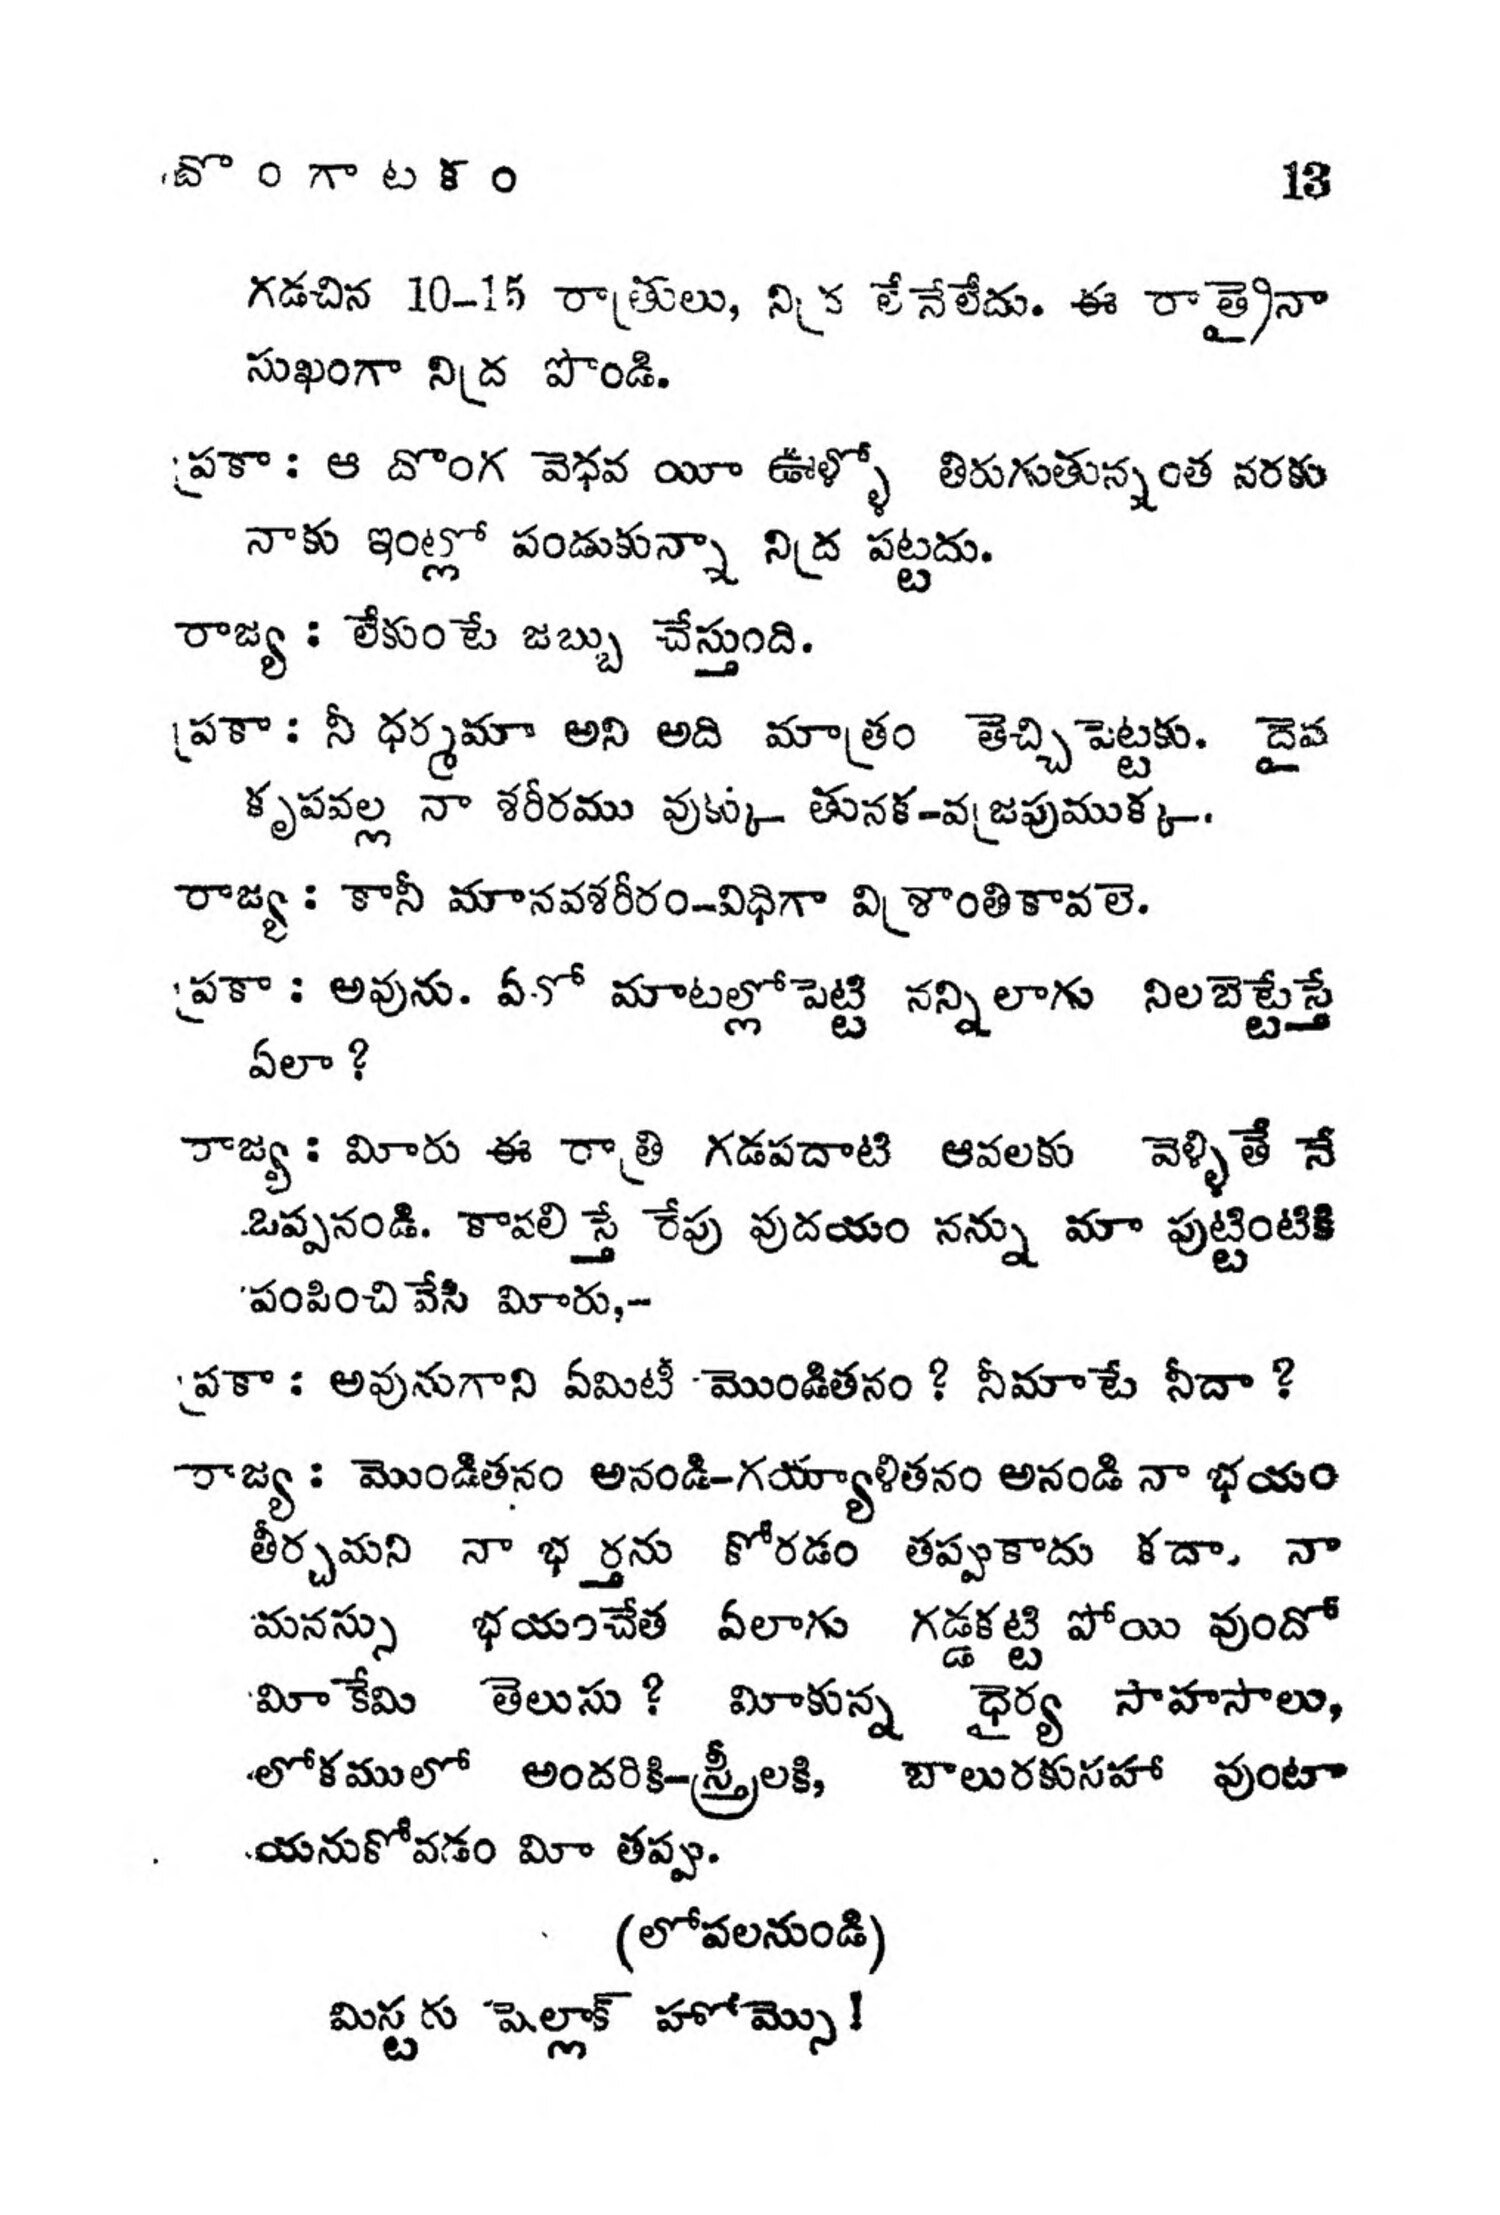గడచిన 10–15 రాత్రులు, నిద్ర లేనేలేదు. ఈ రాత్రైనా సుఖంగా నిద్ర పొండి.

ప్రకా : ఆ దొంగ వెధవ యీ ఊళ్ళో తిరుగుతున్నంత వరకు నాకు ఇంట్లో పండుకున్నా నిద్ర పట్టదు.

రాజ్య : లేకుంటే జబ్బు చేస్తుంది.

ప్రకా : నీ ధర్మమా అని అది మాత్రం తెచ్చి పెట్టకు. దైవకృపవల్ల నా శరీరము వుక్కు తునక - వజ్రపుముక్క.

రాజ్య : కానీ మానవశరీరం-విధిగా విశ్రాంతికావలె.

ప్రకా : అవును. ఏవో మాటల్లోపెట్టి నన్ని లాగు నిలబెట్టేస్తే ఏలా?

రాజ్య : మీరు ఈ రాత్రి గడపదాటి ఆవలకు వెళ్ళితే నే ఒప్పనండి. కావలిస్తే రేపు వుదయం నన్ను మా పుట్టింటికి పంపించివేసి విూరు,-

ప్రకా : అవునుగాని ఏమిటీ మొండితనం? నీమాటే నీదా?

రాజ్య : మొండితనం అనండి- గయ్యాళితనం అనండి నా భయం తీర్చమని నా భర్తను కోరడం తప్పుకాదు కదా, నా మనస్సు భయంచేత ఎలాగు గడ్డకట్టి పోయి వుందో మీకేమి తెలుసు? మీకున్న ధైర్య సాహసాలు, లోకములో అందరికి – స్త్రీలకి, బాలురకుసహా వుంటాయనుకోవడం మీ తప్పు.

మిస్టరు షెల్లాక్ హోమ్సొ!